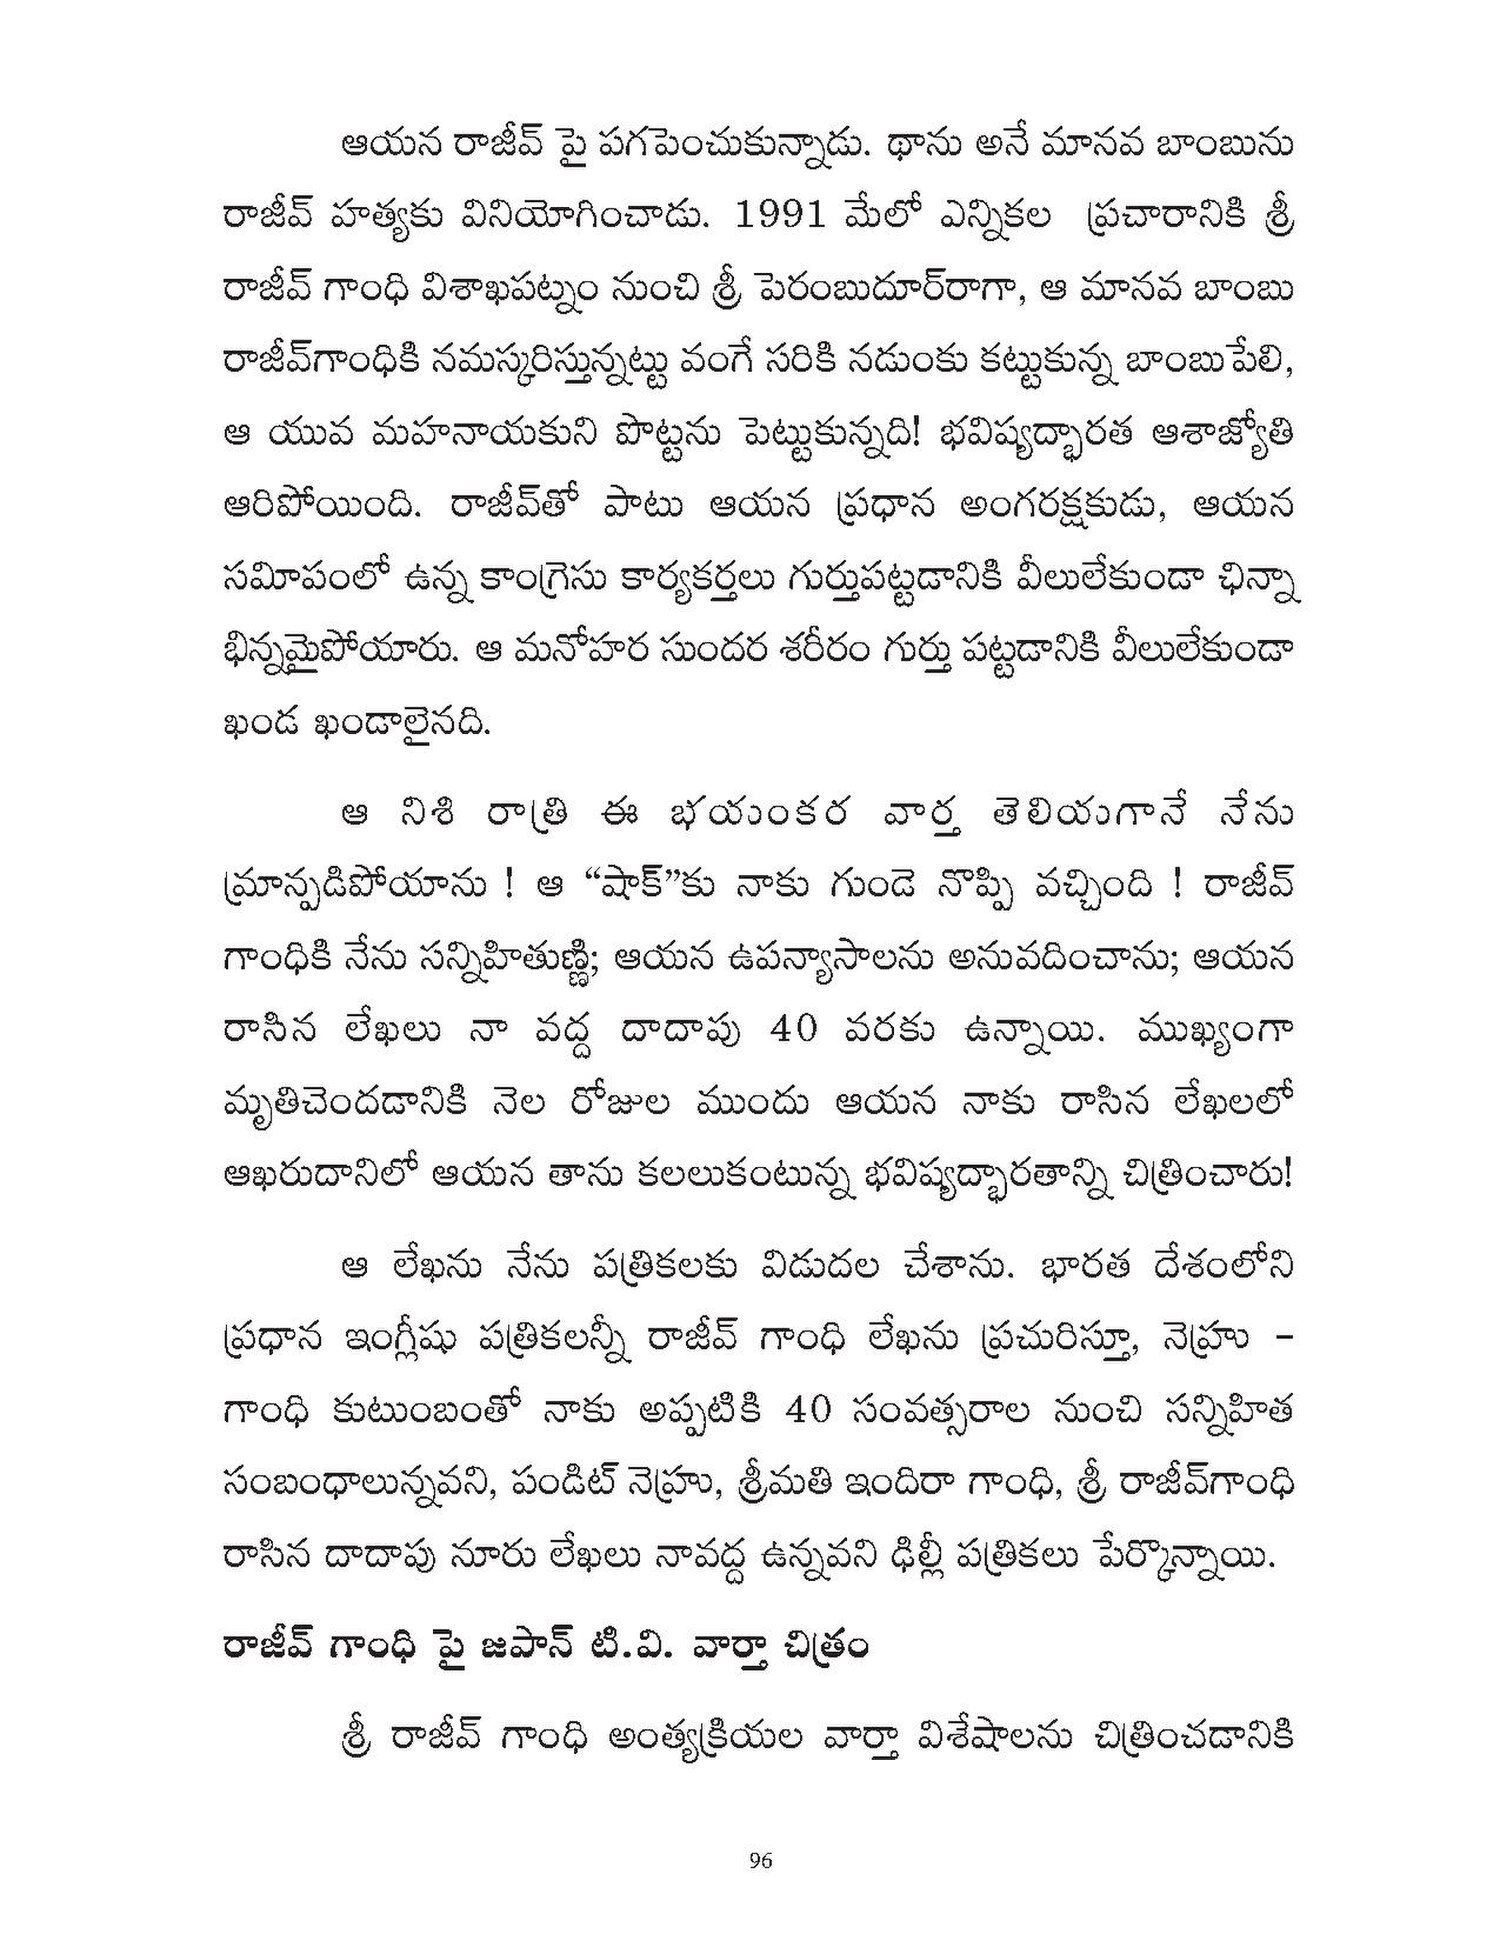ఆయన రాజీవ్‌ పై పగపెంచుకున్నాడు. థాను అనే మానవ బాంబును
రాజీవ్‌ హత్యకు వినియోగించాడు. 1991 మేలో ఎన్నికల ప్రచారానికి శ్రీ
రాజీవ్‌ గాంధి విశాఖపట్నం నుంచి శ్రీ పెరంబుదూర్‌రాగా, ఆ మానవ బాంబు
రాజీవ్‌గాంధికి నమస్కరిస్తున్నట్టు వంగే సరికి నడుంకు కట్టుకున్న బాంబుపేలి,
ఆ యువ మహనాయకుని పొట్టను పెట్టుకున్నది! భవిష్యద్భారత ఆశాజ్యోతి
ఆరిపోయింది. రాజీవ్‌తో పాటు ఆయన ప్రధాన అంగరక్షకుడు, ఆయన
సమీపంలో ఉన్న కాంగ్రెసు కార్యకర్తలు గుర్తుపట్టడానికి వీలులేకుండ ఛిన్నా
భిన్నమైపోయారు. ఆ మనోహర సుందర శరీరం గుర్తు పట్టడానికి వీలులేకుండా
ఖండ ఖండాలైనది.

ఆ నిశి రాత్రి ఈ భయంకర వార్త తెలియగానే నేను
మ్రాన్పడిపోయాను ! ఆ "షాక్‌"కు నాకు గుండె నొప్పి వచ్చింది ! రాజీవ్‌
గాంధికి నేను సన్నిహితుణ్ణి; ఆయన ఉపన్యాసాలను అనువదించాను; ఆయన
రాసిన లేఖలు నా వద్ద దాదాపు 40 వరకు ఉన్నాయి. ముఖ్యంగా
మృతిచెందడానికి నెల రోజుల ముందు ఆయన నాకు రాసిన లేఖలలో
ఆఖరుదానిలో ఆయన తాను కలలుకంటున్న భవిష్యద్భారతాన్ని చిత్రించారు!

ఆ లేఖను నేను పత్రికలకు విడుదల చేశాను. భారత దేశంలోని
ప్రధాన ఇంగ్లీషు పత్రికలన్నీ రాజీవ్‌ గాంధి లేఖను ప్రచురిస్తూ, నెహ్రు -
గాంధి కుటుంబంతో నాకు అప్పటికి 40 సంవత్సరాల నుంచి సన్నిహిత
సంబంధాలున్నవని, పండిట్‌ నెహ్రు, శ్రీమతి ఇందిరా గాంధి, శ్రీ రాజీవ్‌గాంధి
రాసిన దాదాపు నూరు లేఖలు నావద్ద ఉన్నవని ఢిల్లీ పత్రికలు పేర్కొన్నాయి.

రాజీవ్‌ గాంధి పై జపాన్‌ టి.వి. వార్తా చిత్రం

శ్రీ రాజీవ్‌ గాంధి అంత్యక్రియల వార్తా విశేషాలను చిత్రించడానికి